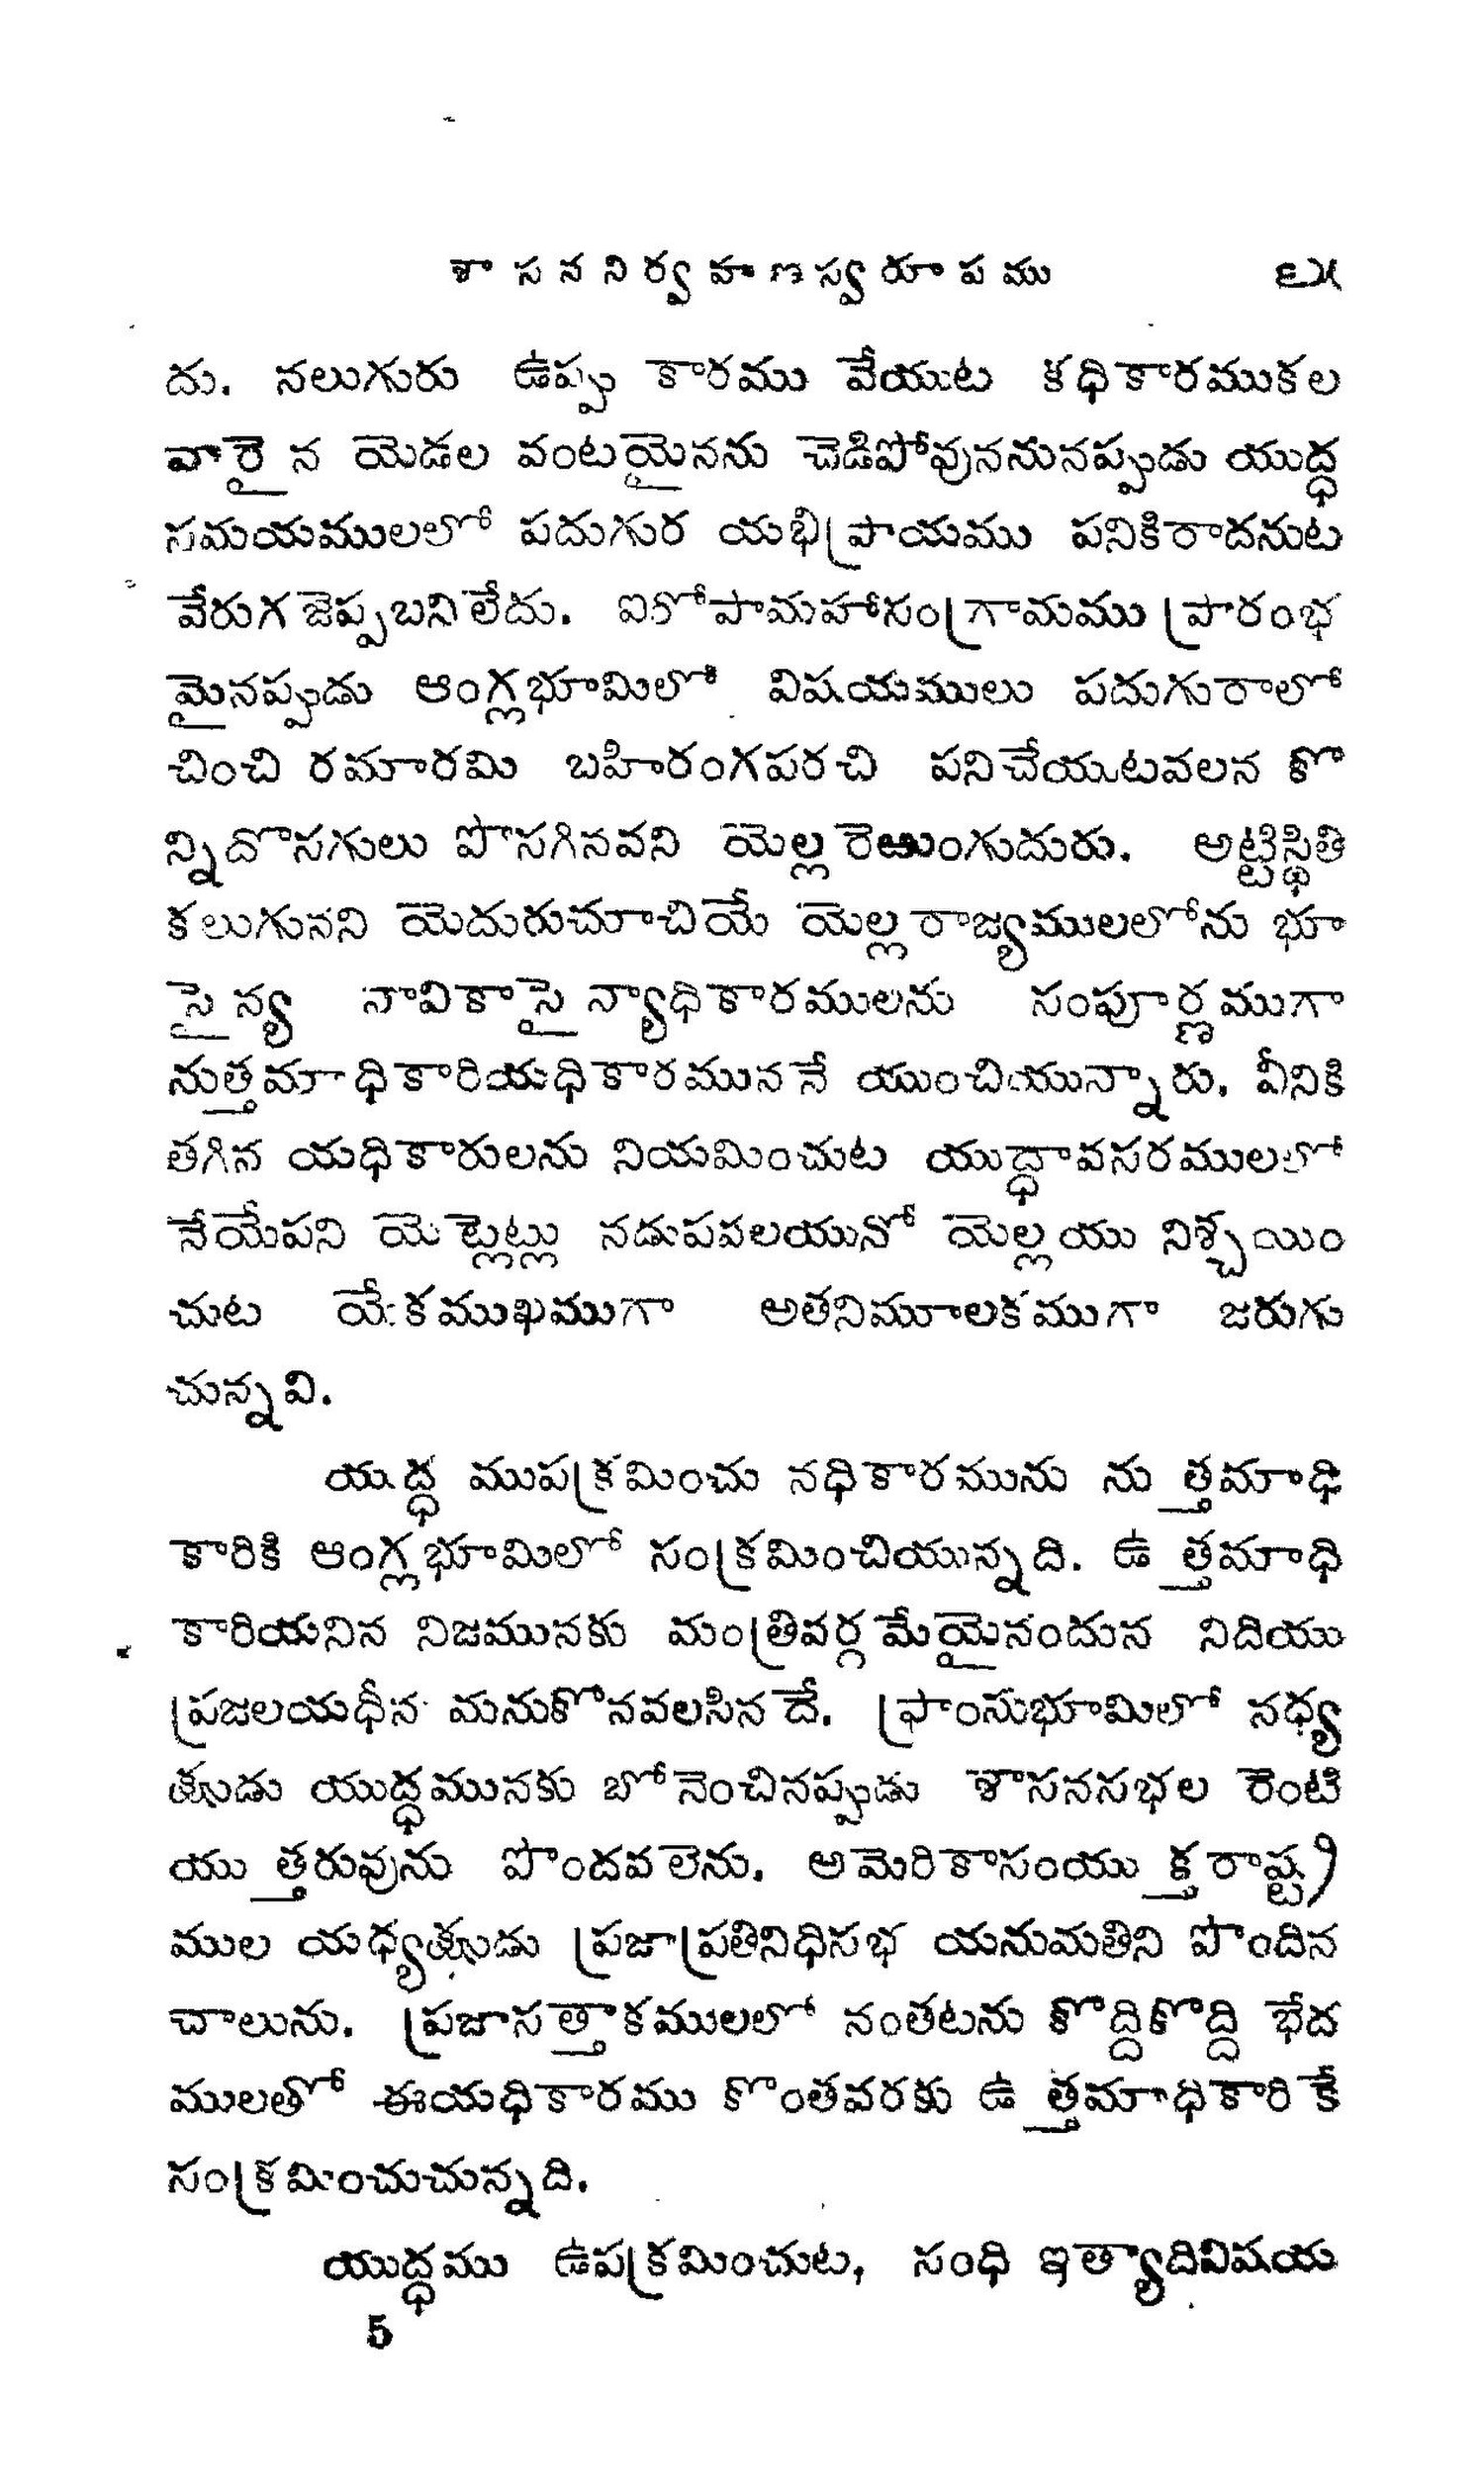దు. నలుగురు ఉప్పు కారము వేయుట కధికారముకల వారైన యెడల వంటయైనను చెడిపోవునను నప్పుడు యుద్ధ సమయములలో పదుగుర యభిప్రాయము పనికిరాదనుట వేరుగ జెప్పబనిలేదు. ఐరోపామహాసంగ్రామము ప్రారంభమైనప్పుడు ఆంగ్లభూమిలో, విషయములు పదుగురాలోచించి రమారమి బహిరంగపరచి పనిచేయుటవలన కొన్నిదొసగులు పొసగినవని యెల్ల రెఱుంగుదురు. అట్టిస్థితి కలుగునని యెదురుచూచియే యెల్లరాజ్యములలోను భూసైన్య నావికాసైన్యాధికారములను సంపూర్ణముగా నుత్తమాధికారియధికారముననే యుంచియున్నారు. వీనికి తగిన యధికారులను నియమించుట యుద్ధావసరములలో నేయేపని యెట్లెట్లు నడుపవలయునో యెల్లయు నిశ్చయించుట యేకముఖముగా అతనిమూలకముగా జరుగుచున్నవి.

యద్ధ ముపక్రమించు నధికారమును నుత్తమాధికారికి ఆంగ్లభూమిలో సంక్రమించియున్నది. ఉత్తమాధికారియనిన నిజమునకు మంత్రివర్గమేయైనందున నిదియు ప్రజలయధీన మనుకొనవలసినదే. ఫ్రాంసుభూమిలో నధ్యక్షుడు యుద్ధమునకు బోనెంచినప్పుడు శాసనసభల రెంటి
యుత్తరువును పొందవలెను, అమెరికాసంయుక్తరాష్ట్రముల యధ్యక్షుడు ప్రజాప్రతినిధిసభ యనుమతిని పొందిన చాలును. ప్రజాసత్తాకములలో నంతటను కొద్దికొద్ది భేదములతో ఈయధికారము కొంతవరకు ఉత్తమాధికారికే సంక్రమించుచున్నది.

యుద్ధము ఉపక్రమించుట, సంధి ఇత్యాదివిషయ